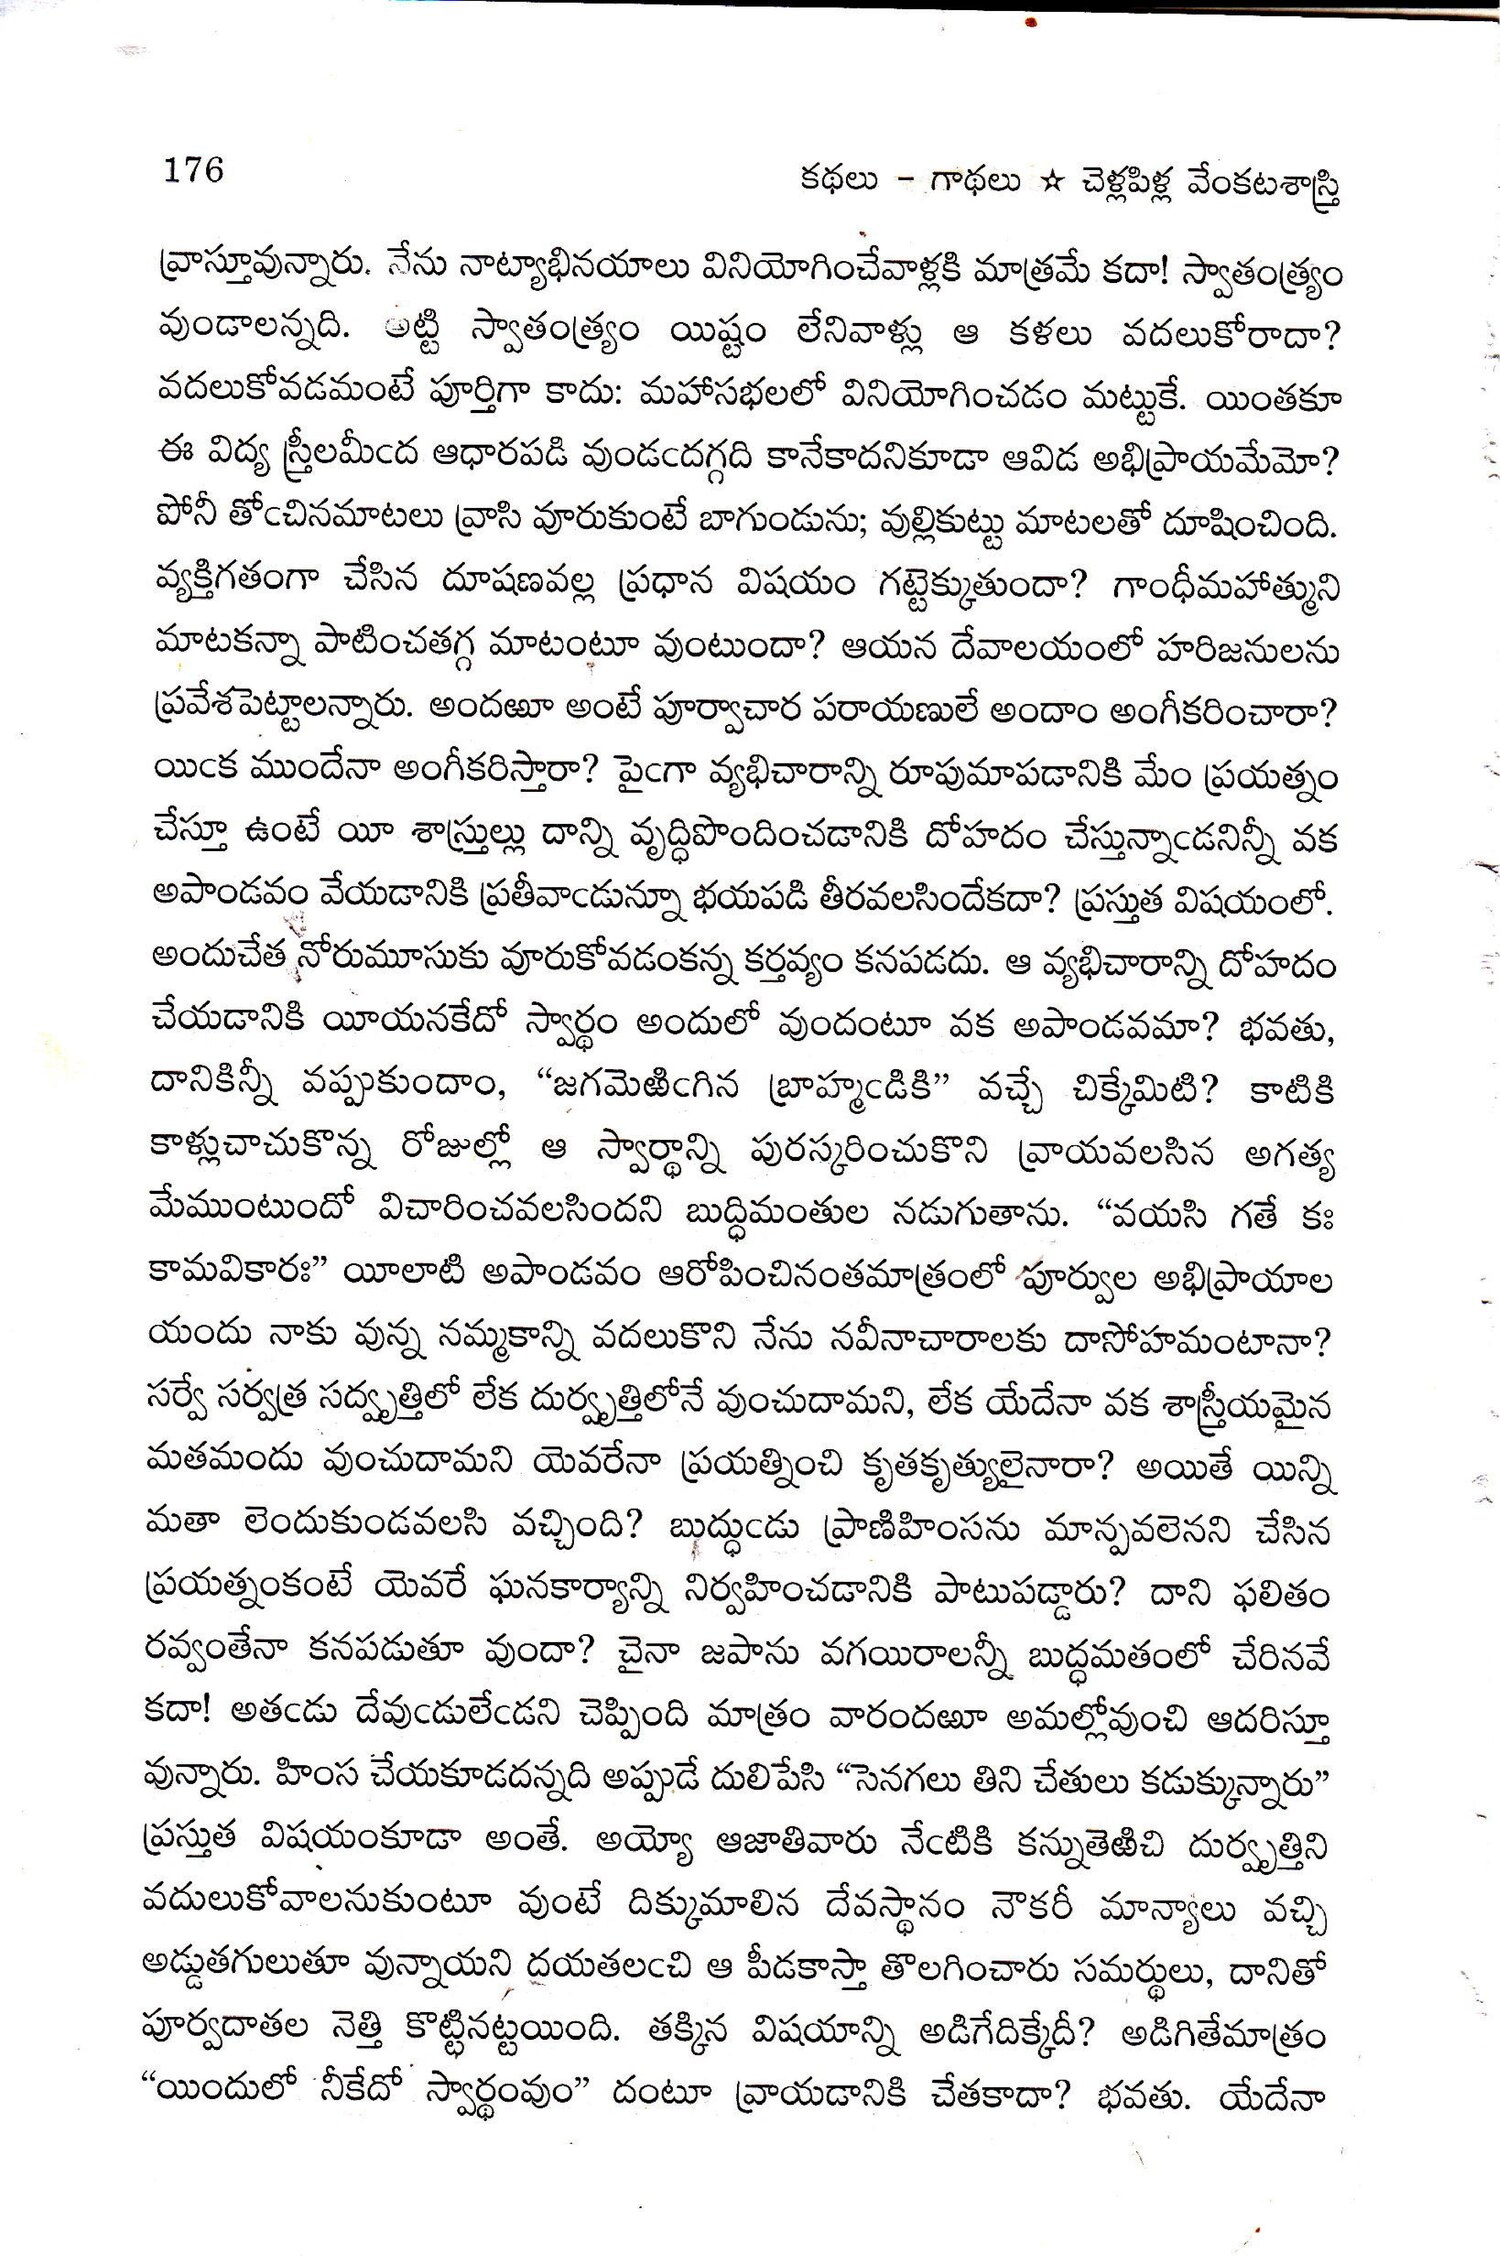వ్రాస్తూవున్నారు. నేను నాట్యాభినయాలు వినియోగించేవాళ్లకి మాత్రమే కదా! స్వాతంత్ర్యం వుండాలన్నది. అట్టి స్వాతంత్ర్యం యిష్టం లేనివాళ్లు ఆ కళలు వదలుకోరాదా? వదలుకోవడమంటే పూర్తిగా కాదు: మహాసభలలో వినియోగించడం మట్టుకే. యింతకూ ఈ విద్య స్త్రీలమీఁద ఆధారపడి వుండఁదగ్గది కానేకాదనికూడా ఆవిడ అభిప్రాయమేమో? పోనీ తోఁచినమాటలు వ్రాసి వూరుకుంటే బాగుండును; వుల్లికుట్టు మాటలతో దూషించింది. వ్యక్తిగతంగా చేసిన దూషణవల్ల ప్రధాన విషయం గట్టెక్కుతుందా? గాంధీమహాత్ముని మాటకన్నా పాటించతగ్గ మాటంటూ వుంటుందా? ఆయన దేవాలయంలో హరిజనులను ప్రవేశపెట్టాలన్నారు. అందఱూ అంటే పూర్వాచార పరాయణులే అందాం అంగీకరించారా? యిఁక ముందేనా అంగీకరిస్తారా? పైఁగా వ్యభిచారాన్ని రూపుమాపడానికి మేం ప్రయత్నం చేస్తూ ఉంటే యీ శాస్త్రుల్లు దాన్ని వృద్ధిపొందించడానికి దోహదం చేస్తున్నాఁడనిన్నీ వక అపాండవం వేయడానికి ప్రతీవాఁడున్నూ భయపడి తీరవలసిందేకదా? ప్రస్తుత విషయంలో, అందుచేత నోరుమూసుకు వూరుకోవడంకన్నకర్తవ్యం కనపడదు. ఆ వ్యభిచారాన్ని దోహదం చేయడానికి యీయనకేదో స్వార్థం అందులో వుందంటూ వక అపాండవమా? భవతు, దానికిన్నీ వప్పకుందాం, "జగమెఱిఁగిన బ్రాహ్మఁడికి" వచ్చే చిక్కేమిటి? కాటికి కాళ్లుచాచుకొన్న రోజుల్లో ఆ స్వార్థాన్ని పురస్కరించుకొని వ్రాయవలసిన అగత్య మేముంటుందో విచారించవలసిందని బుద్ధిమంతుల నడుగుతాను. "వయసి గతే కః కామవికారః" యీలాటి అపాండవం ఆరోపించినంతమాత్రంలో పూర్వుల అభిప్రాయాల యందు నాకు వున్న నమ్మకాన్ని వదలుకొని నేను నవీనాచారాలకు దాసోహమంటానా? సర్వే సర్వత్ర సద్వృత్తిలో లేక దుర్వృత్తిలోనే వుంచుదామని, లేక యేదేనా వక శాస్త్రీయమైన మతమందు వుంచుదామని యెవరేనా ప్రయత్నించి కృతకృత్యులైనారా? అయితే యిన్ని మతా లెందుకుండవలసి వచ్చింది? బుద్ధుఁడు ప్రాణిహింసను మాన్పవలెనని చేసిన ప్రయత్నంకంటే యెవరే ఘనకార్యాన్ని నిర్వహించడానికి పాటుపడ్డారు? దాని ఫలితం రవ్వంతేనా కనపడుతూ వుందా? చైనా జపాను వగయిరాలన్నీ బుద్ధమతంలో చేరినవే కదా! అతఁడు దేవుఁడులేఁడని చెప్పింది మాత్రం వారందఱూ అమల్లోవుంచి ఆదరిస్తూ వున్నారు. హింస చేయకూడదన్నది అప్పుడే దులిపేసి “సెనగలు తిని చేతులు కడుక్కున్నారు" ప్రస్తుత విషయంకూడా అంతే. అయ్యో ఆజాతివారు నేఁటికి కన్నుతెఱిచి దుర్వృత్తిని వదులుకోవాలనుకుంటూ వుంటే దిక్కుమాలిన దేవస్థానం నౌకరీ మాన్యాలు వచ్చి అడ్డుతగులుతూ వున్నాయని దయతలఁచి ఆ పీడకాస్తా తొలగించారు సమర్డులు, దానితో పూర్వదాతల నెత్తి కొట్టినట్టయింది. తక్కిన విషయాన్ని అడిగేదిక్కేదీ? అడిగితేమాత్రం "యిందులో నీకేదో స్వార్ధంవుం” దంటూ వ్రాయడానికి చేతకాదా? భవతు. యేదేనా